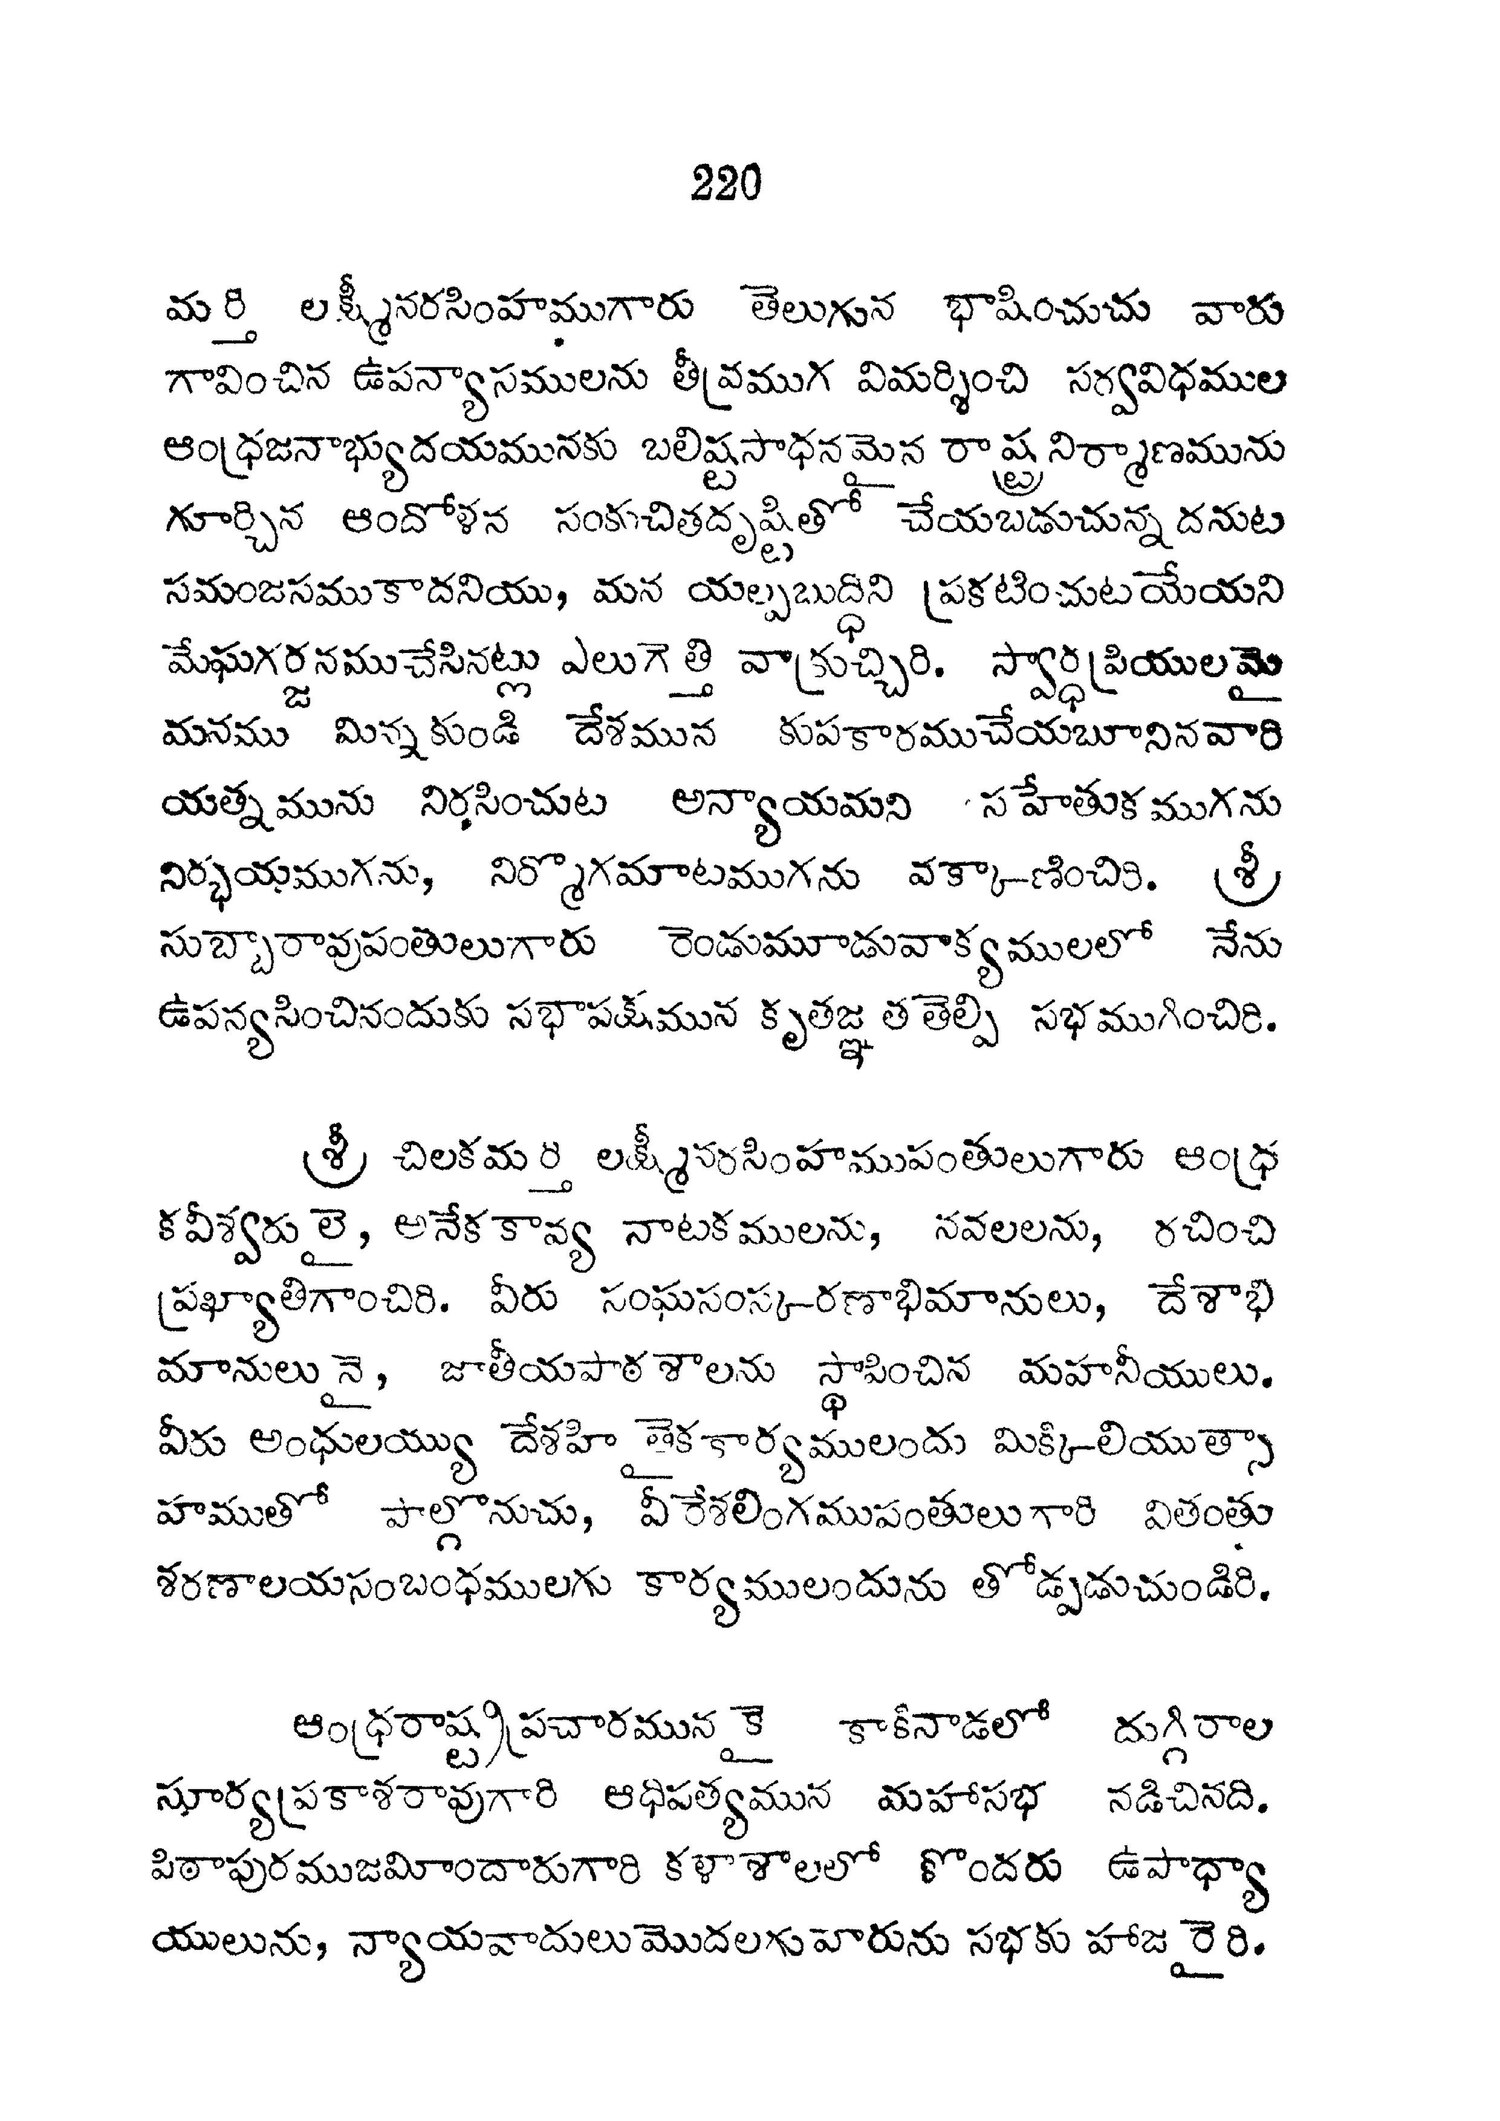మర్తి లక్ష్మీనరసింహముగారు తెలుగున భాషించుచు వారు గావించిన ఉపన్యాసములను తీవ్రముగ విమర్శించి సర్వవిధముల ఆంధ్రజనాభ్యుదయమునకు బలిష్టసాధనమైన రాష్ట్రనిర్మాణమును గూర్చిన ఆందోళన సంకుచితదృష్టితో చేయబడుచున్నదనుట సమంజసముకాదనియు, మన యల్పబుద్ధిని ప్రకటించుటయేయని మేఘగర్జనముచేసినట్లు ఎలుగెత్తి వాక్రుచ్చిరి. స్వార్ధప్రియులమై మనము మిన్నకుండి దేశమున కుపకారముచేయబూనినవారి యత్నమును నిరసించుట అన్యాయమని సహేతుకముగను నిర్భయముగను, నిర్మొగమాటముగను వక్కాణించిరి. శ్రీ సుబ్బారావుపంతులుగారు రెండుమూడువాక్యములలో నేను ఉపన్యసించినందుకు సభాపక్షమున కృతజ్ఞతతెల్పి సభముగించిరి.

శ్రీ చిలకమర్తి లక్ష్మీనరసింహముపంతులుగారు ఆంధ్ర కవీశ్వరులై, అనేకకావ్య నాటకములను, నవలలను, రచించి ప్రఖ్యాతిగాంచిరి. వీరు సంఘసంస్కరణాభిమానులు, దేశాభిమానులునై, జాతీయపాఠశాలను స్థాపించిన మహనీయులు. వీరు అంధులయ్యు దేశహితైకకార్యములందు మిక్కిలియుత్సహముతో పాల్గొనుచు, వీరేశలింగముపంతులుగారి వితంతు శరణాలయసంబంధములగు కార్యములందును తోడ్పడుచుండిరి.

ఆంధ్రరాష్ట్రప్రచారమునకై కాకినాడలో దుగ్గిరాల సూర్యప్రకాశరావుగారి ఆధిపత్యమున మహాసభ నడిచినది. పిఠాపురముజమీందారుగారి కళాశాలలో కొందరు ఉపాధ్యాయులును, న్యాయవాదులుమొదలగువారును సభకు హాజరైరి.